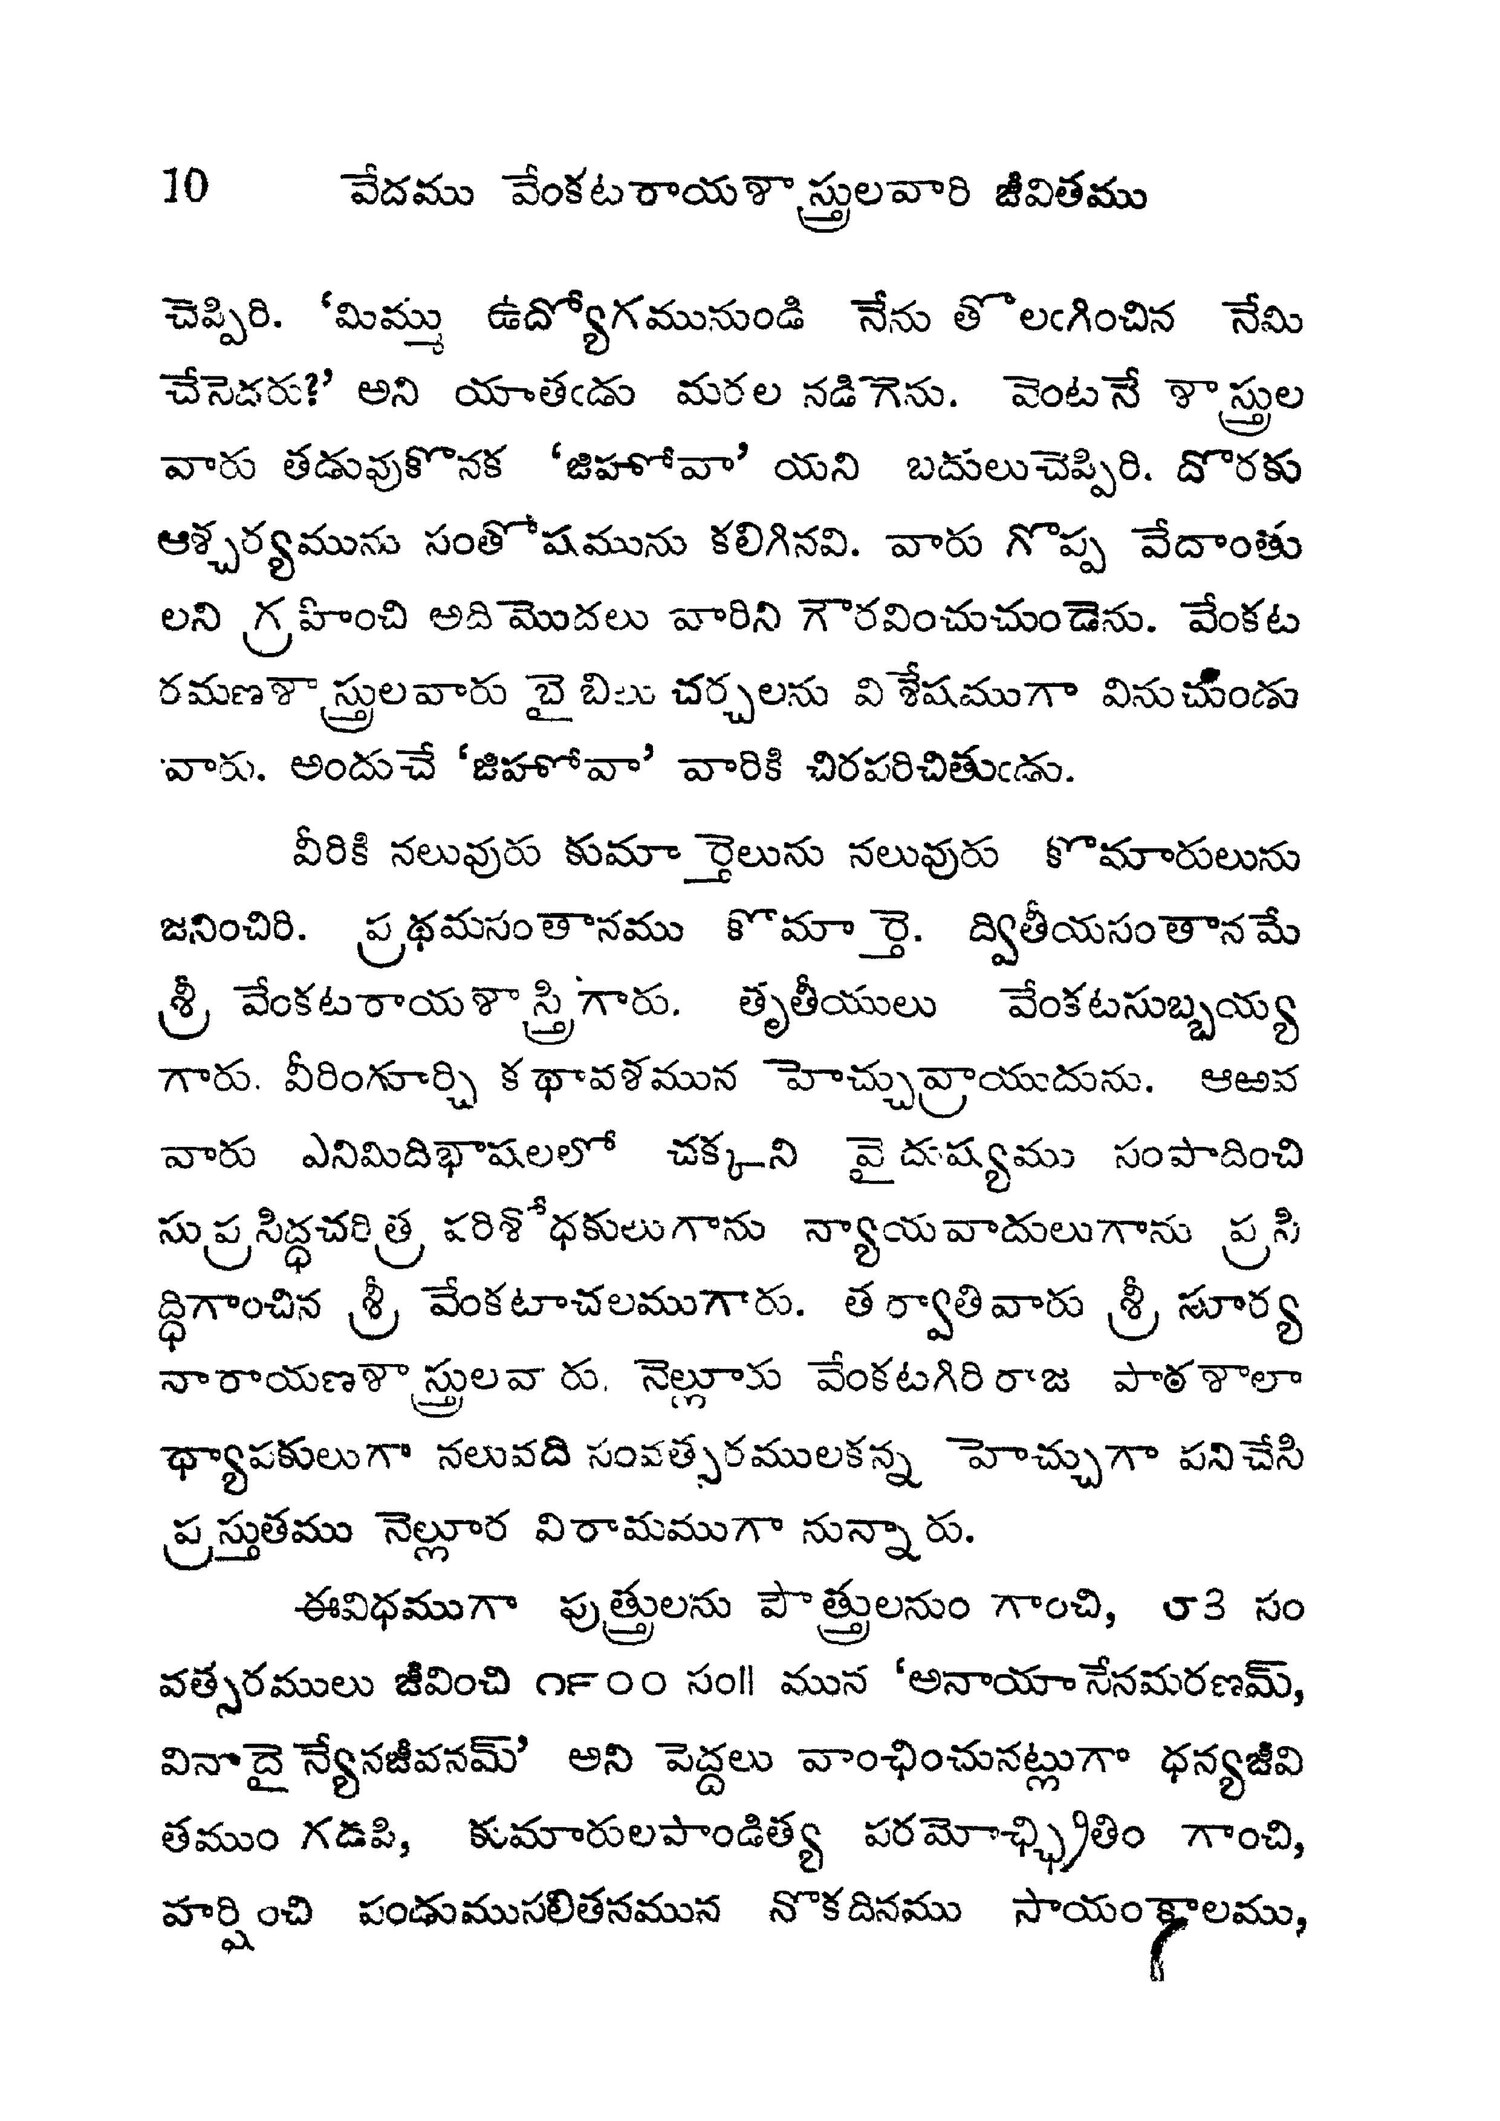చెప్పిరి. 'మిమ్ము ఉద్యోగమునుండి నేను తొలగించిన నేమి చేసెదరు?' అని యాతడు మరల నడిగెను. వెంటనే శాస్త్రులవారు తడువుకొనక 'జిహోవా' యని బదులుచెప్పిరి. దొరకు ఆశ్చర్యమును సంతోషమును కలిగినవి. వారు గొప్ప వేదాంతులని గ్రహించి అది మొదలు వారిని గౌరవించుచుండెను. వేంకటరమణశాస్త్రులవారు బైబిలు చర్చలను విశేషముగా వినుచుండువారు. అందుచే 'జిహోవా' వారికి చిరపరిచితుడు.

వీరికి నలువురు కుమార్తెలును నలువురు కొమారులును జనించిరి. ప్రథమసంతానము కొమర్తె. ద్వితీయసంతానమే శ్రీ వేంకటరాయశాస్త్రిగారు. తృతీయులు వేంకటసుబ్బయ్యగారు. వీరింగూర్చి కథావశమున హెచ్చువ్రాయుదును. ఆఱవవారు ఎనిమిదిభాషలలో చక్కని వైదుష్యము సంపాదించి సుప్రసిద్ధచరిత్ర పరిశోధకులుగాను న్యాయవాదులుగాను ప్రసిద్ధిగాంచిన శ్రీ వేంకటాచలముగారు. తర్వాతివారు శ్రీ సూర్యనారాయణశాస్త్రులవారు. నెల్లూరు వేంకటగిరిరాజ పాఠశాలాథ్యాపకులుగా నలువది సంవత్సరములకన్న హెచ్చుగా పనిచేసి ప్రస్తుతము నెల్లూర విరామముగా నున్నారు.

ఈవిధముగా పుత్రులను పౌత్రులనుం గాంచి, 83 సంవత్సరములు జీవించి 1900 సం. మున 'అనాయాసేనమరణమ్, వినాదై న్యేనజీవనమ్' అని పెద్దలు వాంఛించునట్లుగా ధన్యజీవితముం గడపి, కుమారులపాండిత్య పరమోఛ్ఛ్రితిం గాంచి, హర్షించి పండుముసలితనమున నొకదినము సాయంకాలము,